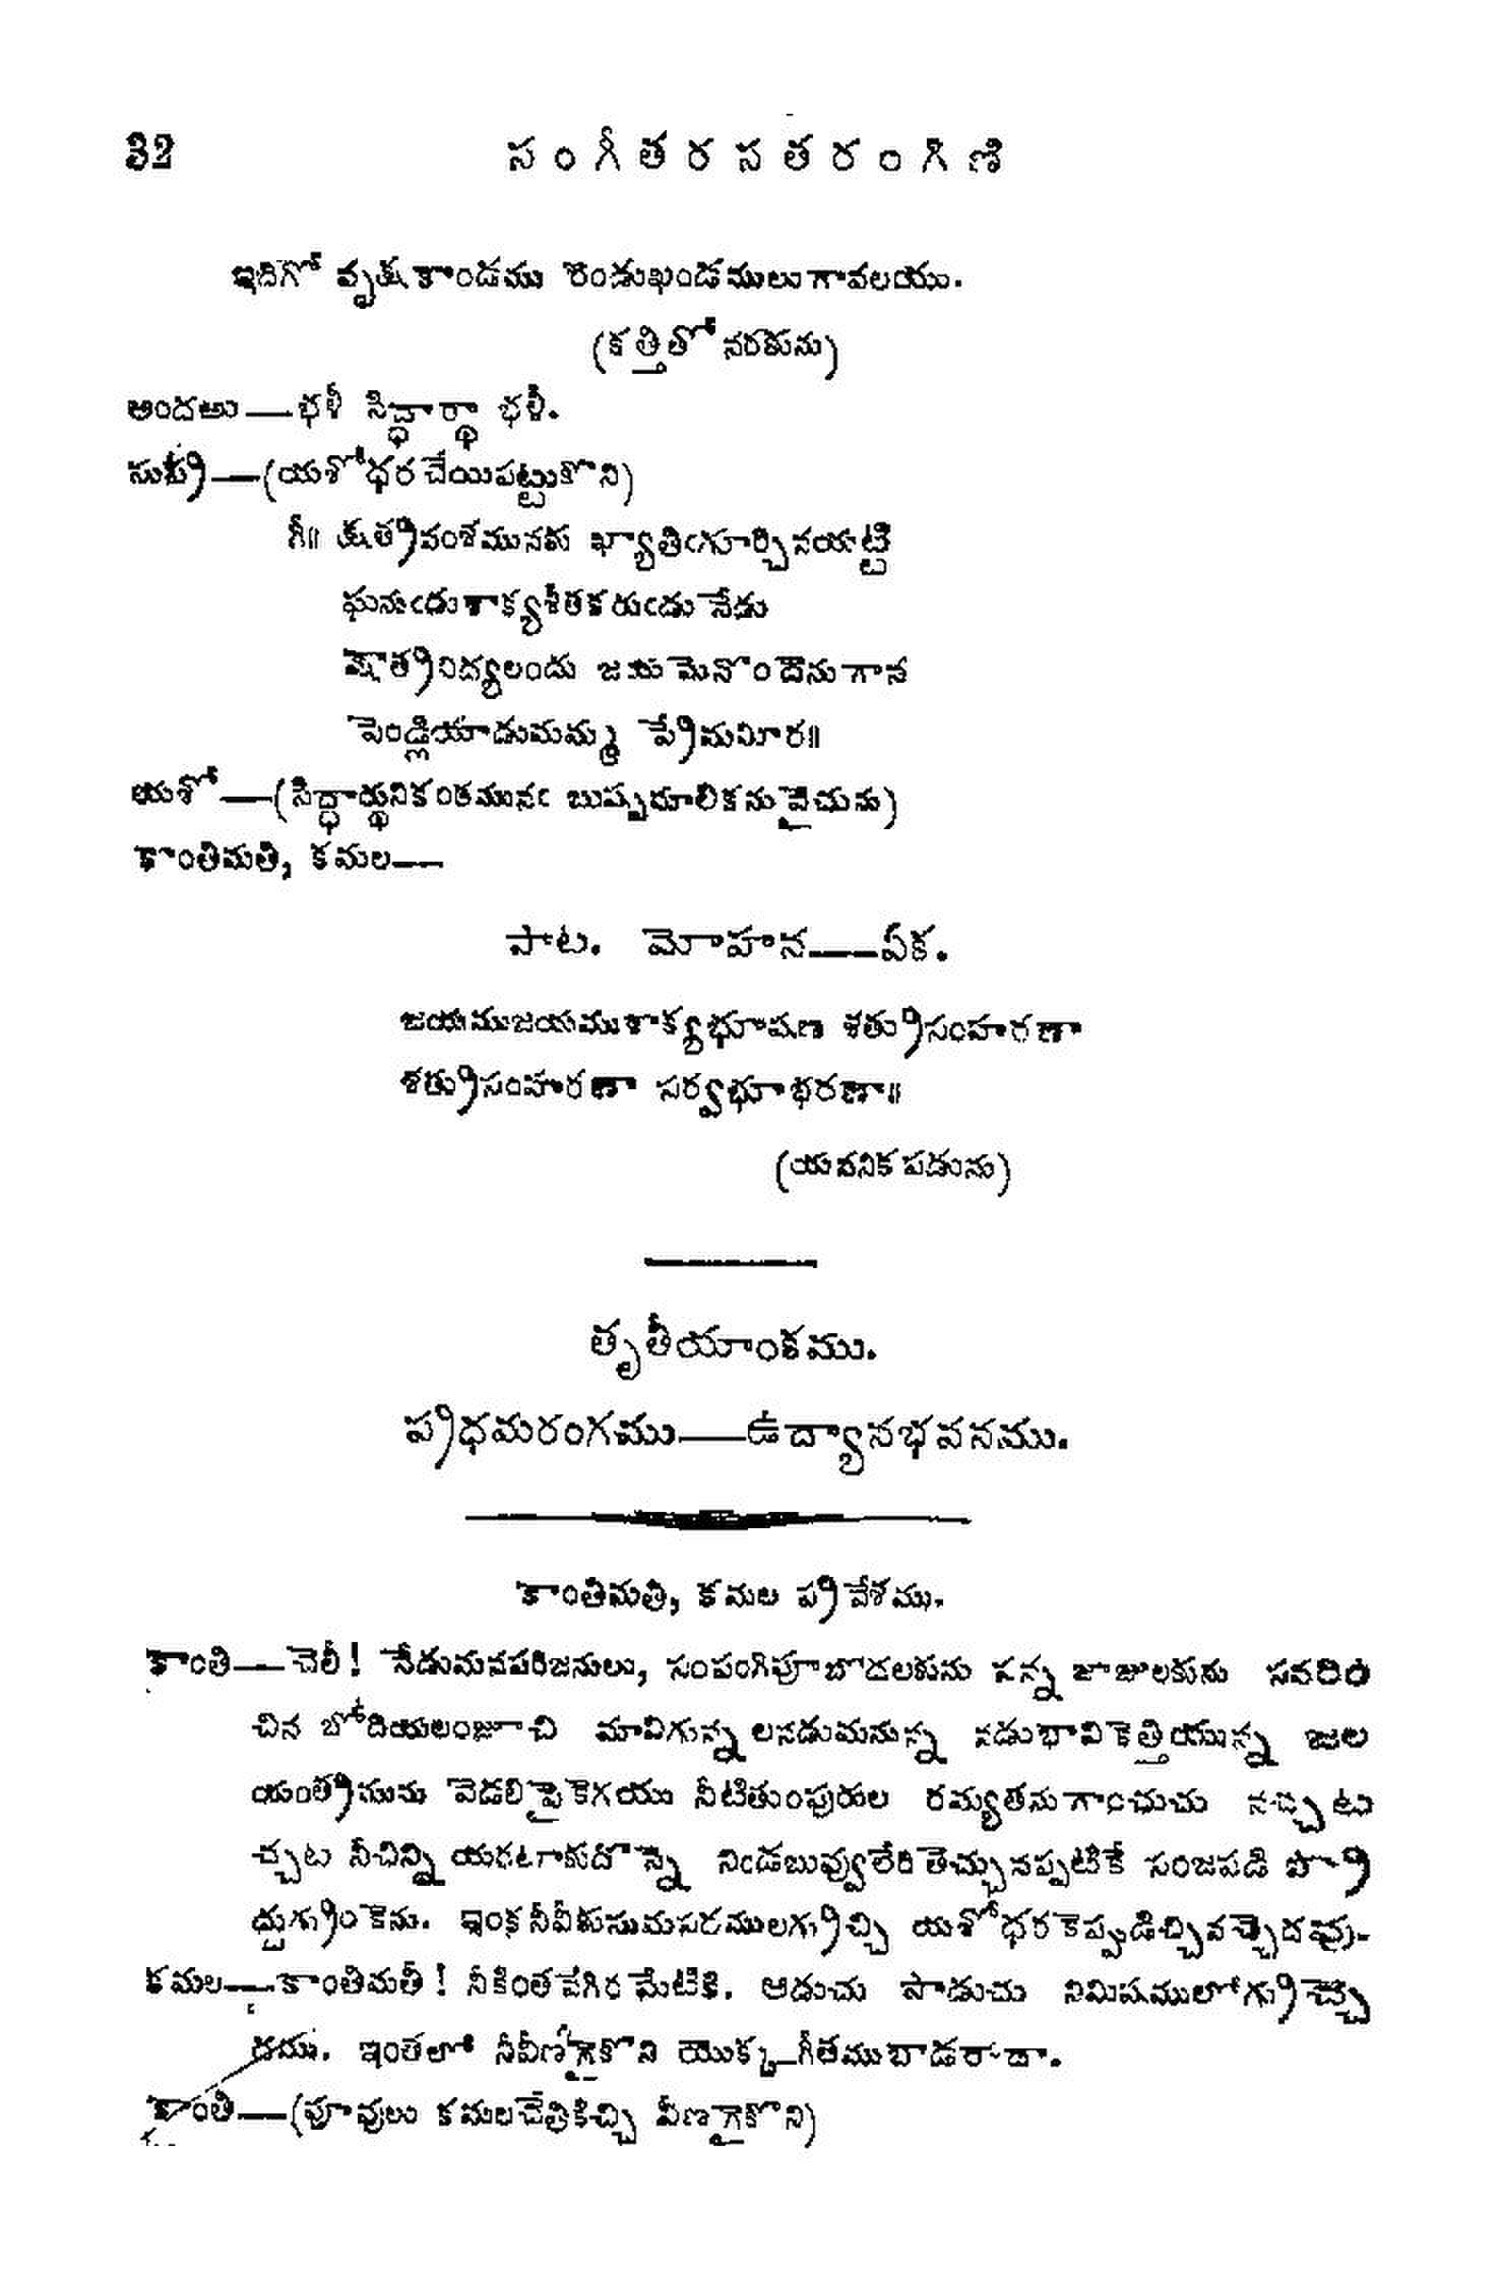అందఱు — భళీ సిద్ధార్థా భళీ.

సుప్ర - (యశోధర చేయిపట్టుకొని)

గీ॥ క్షత్రవంశమునకు ఖ్యాతిఁగూర్చినయట్టి
ఘనుఁడుశాక్యశీతకరుఁడు నేడు
క్షాత్రంద్యలందు జయమెనొందెనుగాన
పెండ్లియాడుమమ్మ ప్రేమమీర॥

యశో - (సిద్ధార్థుని కంఠమునఁ బుష్పమాలికనువైచును)

కాంతిమతి, కనుల ౼

జయముజయము శాక్యభూషణ శత్రుసంహరణా
శత్రుసంహరణా సర్వభూభరణా 

 

 

కాంతి — చెలీ! నేడుమనపరిజనులు, సంపంగిపూబొదలకును సన్నజాజులకును సవరించిన జోడియలంజూచి మావిగున్నలనడుమనున్న పడుభావికెత్తియున్న జలయంత్రమును వెడలిపైకెగయు నీటితుంపురుల రమ్యతను గాంచుచు నచ్చటచ్చట నీచిన్నియరటాకుదొన్నె నిండబువ్వులేరితెచ్చునప్పటికే సంజపడి ప్రోద్దుగ్రుందుగుంకెను. ఇంకనీవీకుసుమసరములుగ్రుచ్చి యశోధరకెప్పుడిచ్చివచ్చెదవు.

కమల - కాంతిమతీ! నీకింతవేగిరమేటికి. ఆడుచు పాడుచు నిమిషములో గుచ్చెదము. ఇంతలో నీవీణగైకొని యొక్కగీతము బాడరాదా.

కాంతి — (పూవులం కనులచేతికిచ్చి వీణగైకొని)